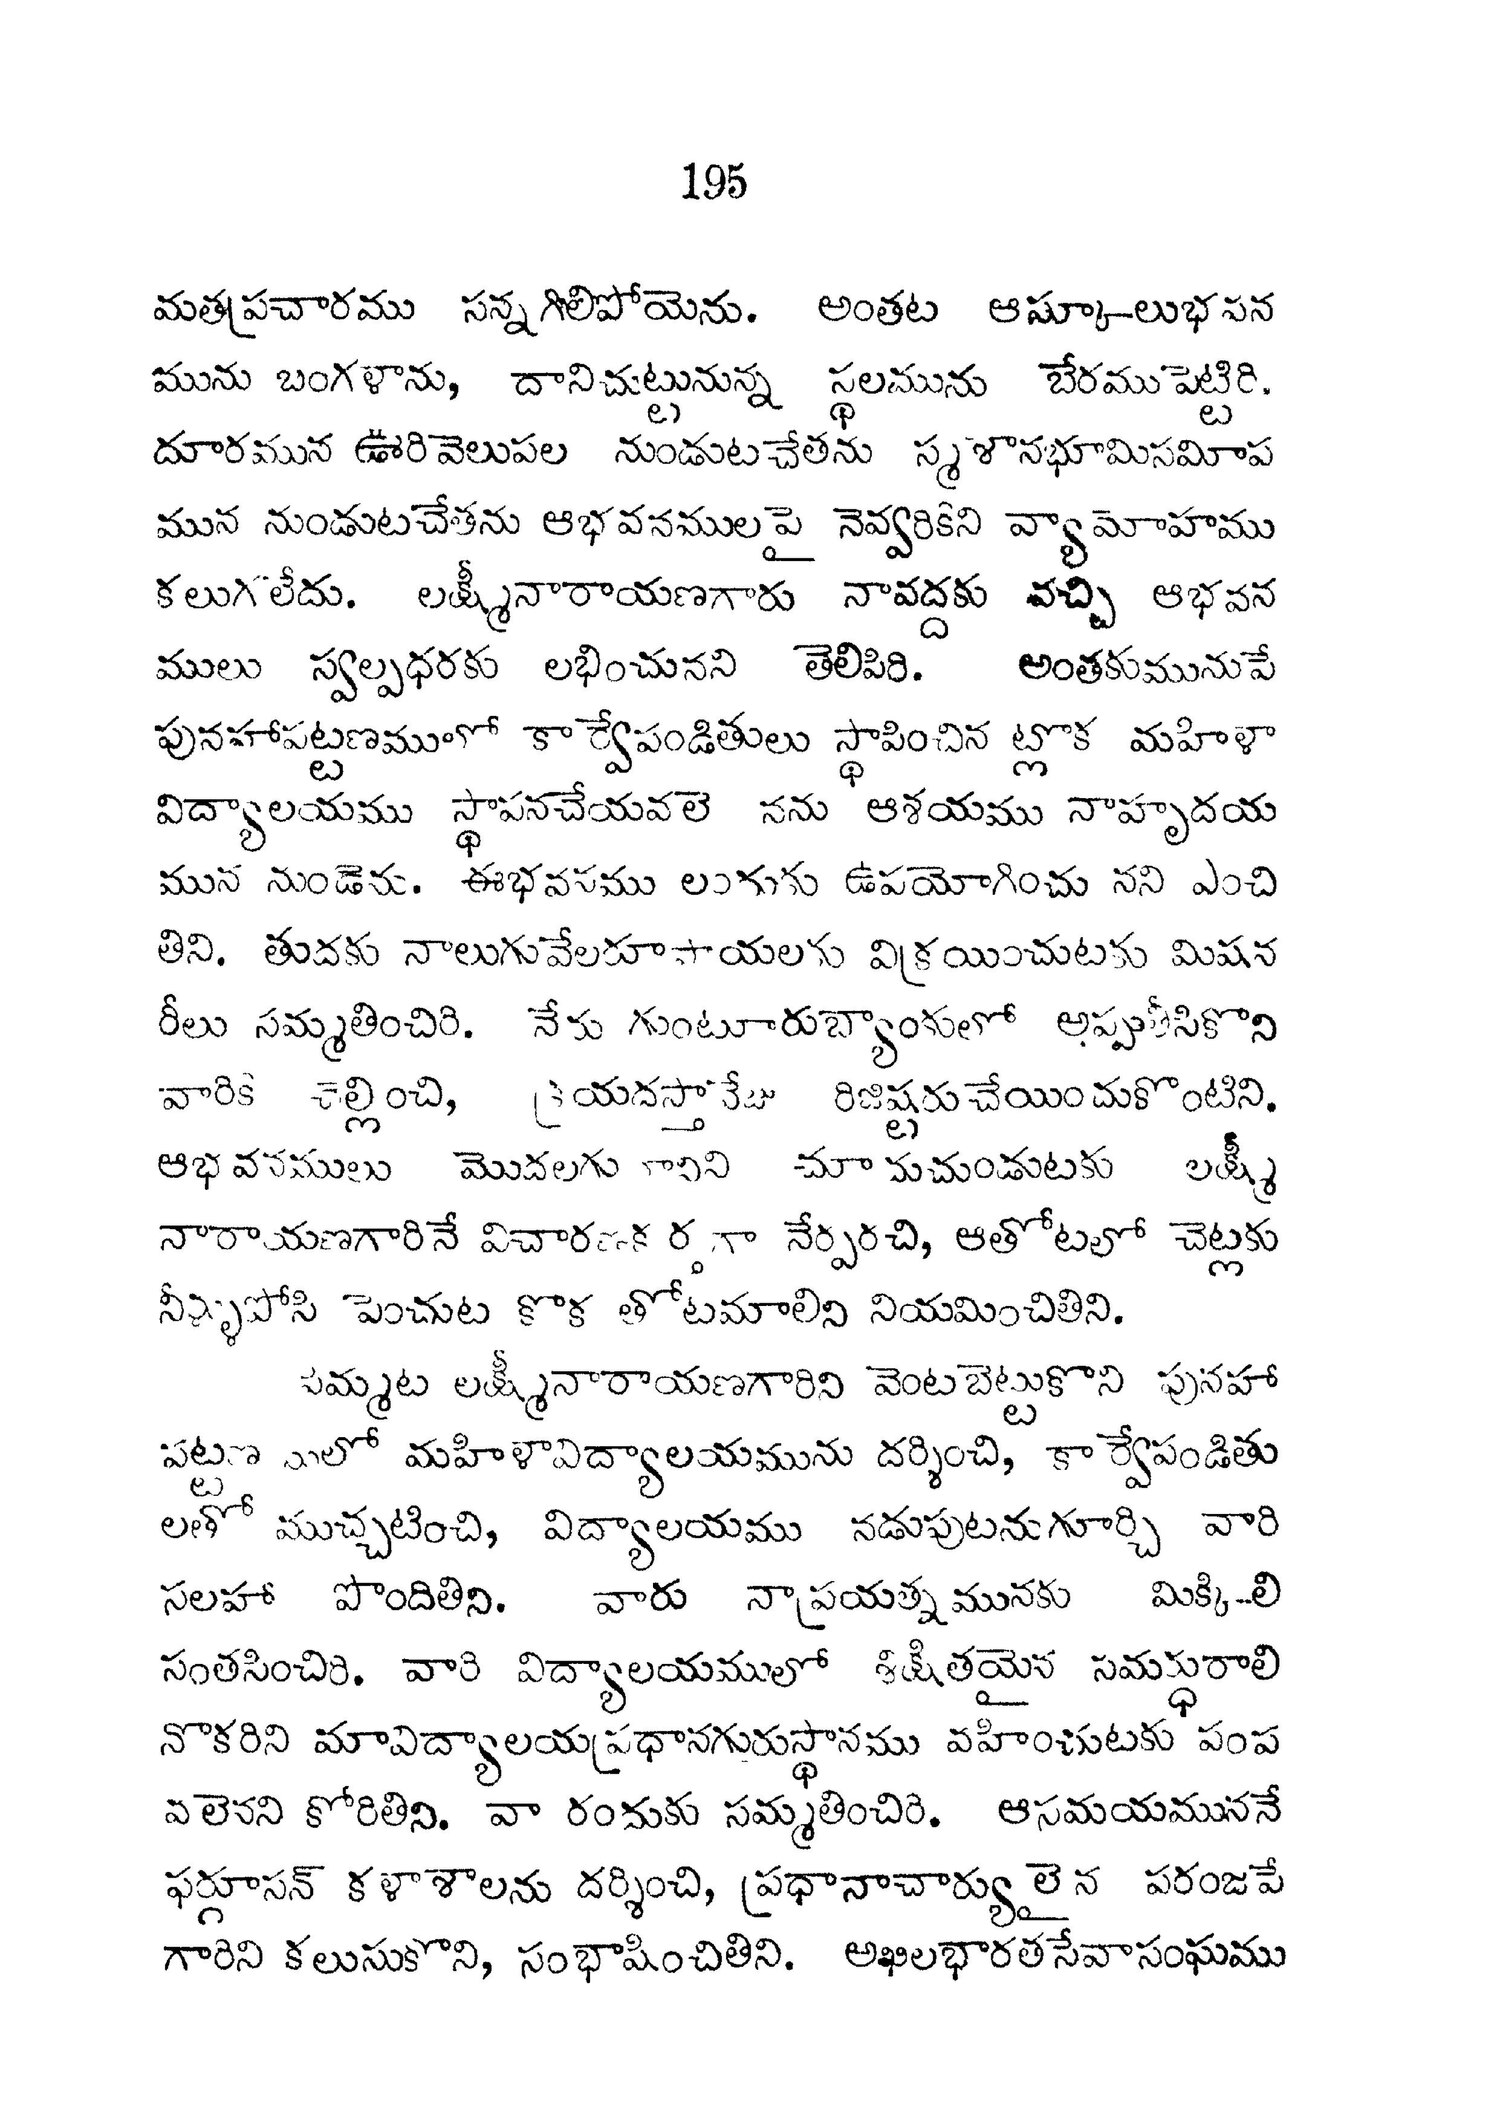మతప్రచారము సన్నగిలిపోయెను. అంతట ఆస్కూలుభవనమును బంగళాను, దానిచుట్టునున్న స్థలమును బేరముపెట్టిరి. దూరమున ఊరివెలుపల నుండుటచేతను స్మశానభూమిసమీపమున నుండుటచేతను ఆభవనములపై నెవ్వరికిని వ్యామోహము కలుగలేదు. లక్ష్మీనారాయణగారు నావద్దకు వచ్చి ఆభవనములు స్వల్పధరకు లభించునని తెలిపిరి. అంతకుమునుపే పునహాపట్టణములో కార్వేపండితులు స్థాపించిన ట్లొక మహిళావిద్యాలయము స్థాపనచేయవలె నను ఆశయము నాహృదయమున నుండెను. ఈభవనము లందుకు ఉపయోగించు నని ఎంచితిని. తుదకు నాలుగువేలరూపాయలకు విక్రయించుటకు మిషనరీలు సమ్మతించిరి. నేను గుంటూరుబ్యాంకులో అప్పుతీసికొని వారికి చెల్లించి, క్రయదస్తావేజు రిజిష్టరుచేయించుకొంటిని. ఆభవనములు మొదలగు వానిని చూచుచుండుటకు లక్ష్మీనారాయణగారినే విచారణకర్తగా నేర్పరచి, ఆతోటలో చెట్లకు నీళ్ళుపోసి పెంచుట కొక తోటమాలిని నియమించితిని.

పిమ్మట లక్ష్మీనారాయణగారిని వెంటబెట్టుకొని పునహా పట్టణములో మహిళావిద్యాలయమును దర్శించి, కార్వేపండితులతో ముచ్చటించి, విద్యాలయము నదుపుటనుగూర్చి వారి సలహా పొందితిని. వారు నాప్రయత్నమునకు మిక్కిలి సంతసించిరి. వారి విద్యాలయములో శిక్షితమైన సమర్ధురాలి నొకరిని మావిద్యాలయప్రధానగురుస్థానము వహించుటకు పంపవలెనని కోరితిని. వా రందుకు సమ్మతించిరి. ఆసమయముననే ఫర్గూసన్ కళాశాలను దర్శించి, ప్రధానాచార్యులైన పరంజేపే గారిని కలుసుకొని, సంభాషించితిని. అఖిలభారతసేవాసంఘము